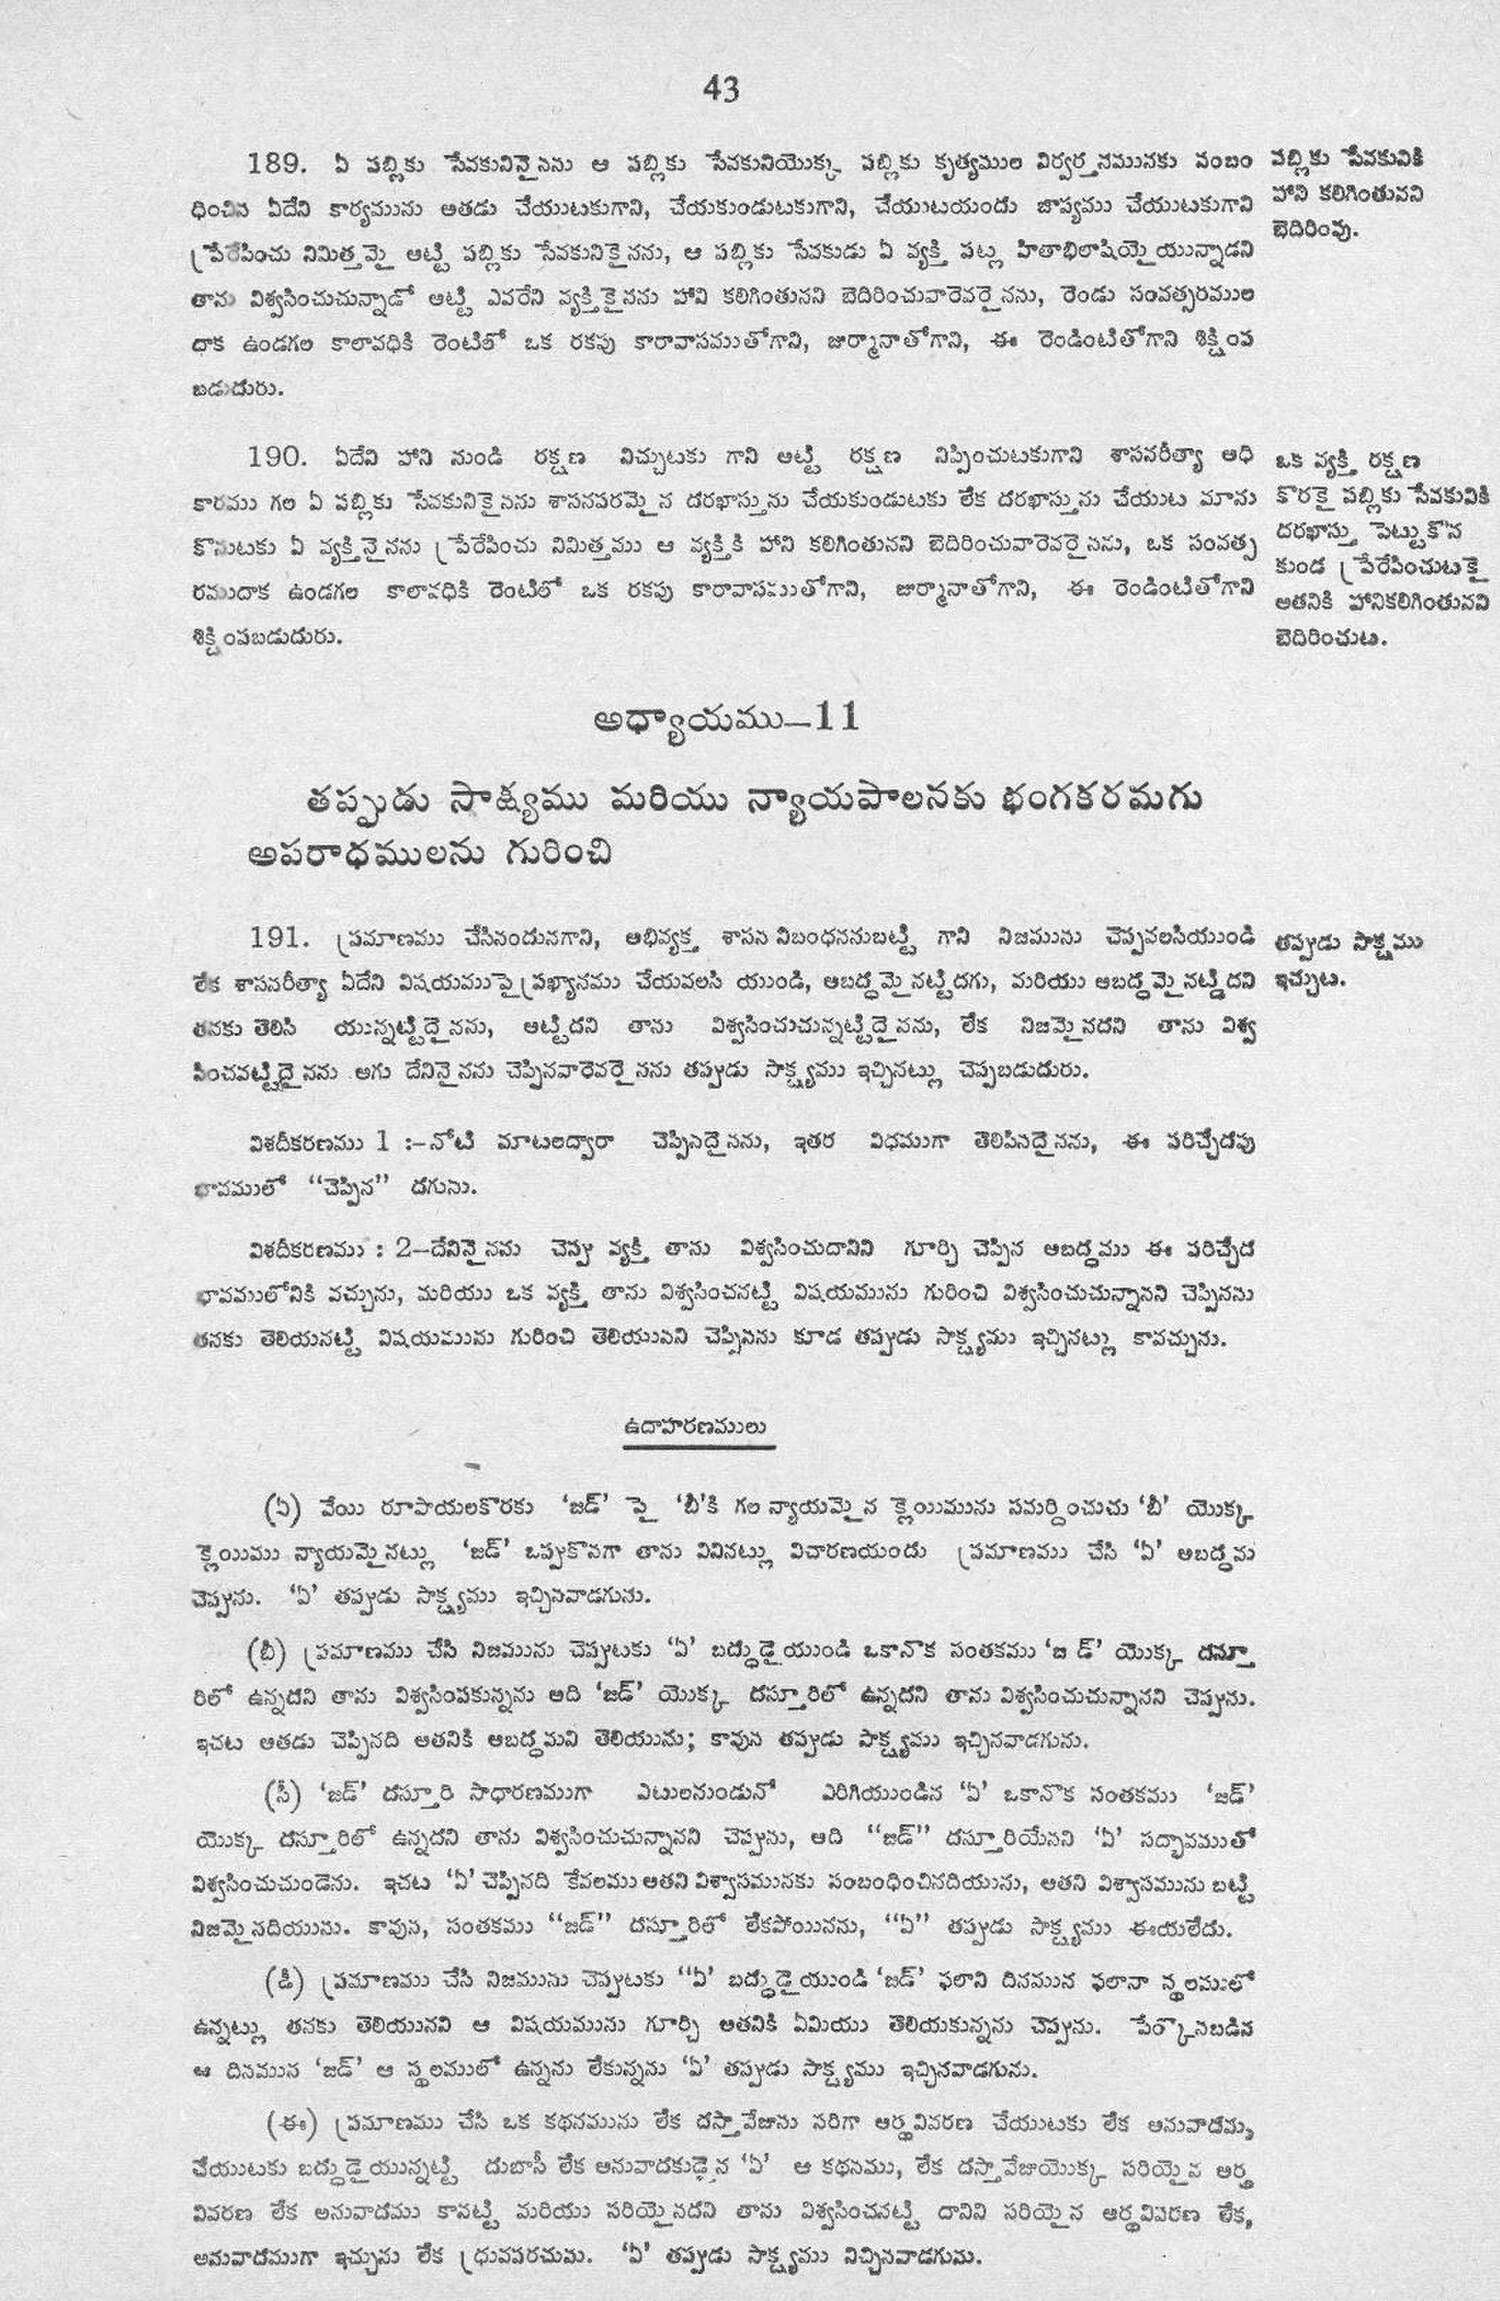పబ్లికు సేవకునికి హాని కలిగింతునని బెదిరింపు.

189. ఏ పబ్లికు సేవకునినైనను ఆ పబ్లికు సేవకుని యొక్క పబ్లికు కృత్యముల నిర్వర్త నమునకు సంబంధించిన ఏదేని కార్యమును అతడు చేయుటకుగాని, చేయకుండుటకుగాని, చేయుటయందు జాప్యము చేయుటకుగాని ప్రేరేపించు నిమిత్తమై అట్టి పబ్లికు సేవకునికైనను, ఆ పబ్లికు సేవకుడు ఏ వ్యక్తి పట్ల హితాభిలాషియైయున్నాడని తాను విశ్వసించుచున్నాడో అట్టి ఎవరేని వ్యక్తి కైనను హాని కలిగింతునని బెదిరించువారెవరైనను, రెండు సంవత్సరముల
దాక ఉండగల కాలావధికి రెంటిలో ఒక రకపు కారావాసముతో గాని, జుర్మానాతోగాని, ఈ రెండింటితోగాని శిక్షింపబడుదురు.

ఒక వ్యక్తి రక్షణ కొరకై పబ్లికు సేవకునికి దరఖాస్తు పెట్టుకొనకుండ ప్రేరేపించుటకై అతనికి హానికలిగింతునని బెదిరించుట,

190. ఏదేని హాని నుండి రక్షణ నిచ్చుటకు గాని అట్టి రక్షణ నిప్పించుటకుగాని శాసనరీత్యా అధికారము గల ఏ పబ్లికు సేవకునికైనను శాసనపరమైన దరఖాస్తును చేయకుండుటకు లేక దరఖాస్తును చేయుట మానుకొనుటకు ఏ వ్యక్తి నైనను ప్రేరేపించు నిమిత్తము ఆ వ్యక్తి కి హాని కలిగింతునని బెదిరించువారెవరైనను, ఒక సంవత్సరముదాక ఉండగల కాలావధికి రెంటిలో ఒక రకపు కారావాసముతోగాని, జుర్మానా తోగాని, ఈ రెండింటితో గాని శిక్షింపబడుదురు.

తప్పుడు సాక్షము ఇచ్చుట.

191. ప్రమాణము చేసినందునగాని, అభివ్యక్త శాసన నిబంధననుబట్టి గాని నిజమును చెప్పవలసియుండి లేక శాసన రీత్యా ఏదేని విషయము పై ప్రఖ్యానము చేయవలసి యుండి, ఆబద్ధమైనట్టిదగు, మరియు అబద్ధమై నట్టిదని తనకు తెలిసి
యున్నట్టిదైనను, అట్టిదని తాను విశ్వసించుచున్నట్టిదైనను, లేక నిజమైనదని తాను విశ్వసించనట్టిదైనను అగు దేనినైనను చెప్పినవారెవరైనను తప్పుడు సాక్ష్యము ఇచ్చినట్లు చెప్పబడుదురు.

విశదీకరణము 1 :-నోటి మాటలద్వారా చెప్పినదైనను, ఇతర విధముగా తెలిపినదైనను, ఈ పరిచ్చేదపు భావములో “చెప్పిన" దగును.

విశదీకరణము : 2-దేనినై నను చెప్పు వ్యక్తి తాను విశ్వసించుదానిని గూర్చి చెప్పిన అబద్ధము ఈ పరిచ్చేద భావములోనికి వచ్చును, మరియు ఒక వ్యక్తి తాను విశ్వసించనట్టి విషయమును గురించి విశ్వసించుచున్నానని చెప్పినను తనకు తెలియనట్టి విషయమును గురించి తెలియునని చెప్పినను కూడ తప్పుడు సాక్ష్యము ఇచ్చినట్లు కావచ్చును.

(ఏ) వేయి రూపాయలకొరకు 'జడ్' పై 'బి'కి గల న్యాయమైన క్లెయిమును సమర్ధించుచు 'బీ' యొక్క క్లెయిము న్యాయమైనట్లు 'జడ్' ఒప్పుకొనగా తాను వినినట్లు విచారణయందు ప్రమాణము చేసి 'ఏ' అబద్ధము చెప్పును. 'ఏ' తప్పుడు సాక్ష్యము ఇచ్చినవాడగును.

(బి) ప్రమాణము చేసి నిజమును చెప్పుటకు 'ఏ' బద్దుడై యుండి ఒకానొక సంతకము 'జడ్' యొక్క దస్తూరిలో ఉన్నదని తాను విశ్వసింపకున్నను అది 'జడ్' యొక్క దస్తూరిలో ఉన్నదని తాను విశ్వసించుచున్నానని చెప్పును. ఇచట ఆతడు చెప్పినది అతనికి అబద్ధమని తెలియును; కావున తప్పుడు సాక్ష్యము ఇచ్చినవాడగును,

(సీ) 'జడ్' దస్తూరి సాధారణముగా ఎటులనుండునో ఎరిగియుండిన 'ఏ' ఒకానొక సంతకము 'జడ్' యొక్క దస్తూరిలో ఉన్నదని తాను విశ్వసించుచున్నానని చెప్పును, ఆది “జడ్" దస్తూరియేనని 'ఏ' సద్భావముతో విశ్వసించుచుండెను. ఇచట 'ఏ' చెప్పినది కేవలము అతని విశ్వాసమునకు సంబంధించినదియును, అతని విశ్వాసమును బట్టి నిజమై నదియును. కావున, సంతకము “జడ్" దస్తూరిలో లేకపోయినను, “ఏ" తప్పుడు సాక్ష్యము ఈయలేదు.

(డి) ప్రమాణము చేసి నిజమును చెప్పుటకు “ఏ' బద్దుడై యుండి 'జడ్' ఫలాని దినమున ఫలానా స్థలములో ఉన్నట్లు తనకు తెలియునని ఆ విషయమును గూర్చి అతనికి ఏమియు తెలియకున్నను చెప్పును. పేర్కొనబడిన ఆ దినమున 'జడ్' ఆ స్థలములో ఉన్నను లేకున్నను 'ఏ' తప్పుడు సాక్ష్యము ఇచ్చిన వాడగును.

(ఈ) ప్రమాణము చేసి ఒక కథనమును లేక దస్తావేజును సరిగా అర్థ వివరణ చేయుటకు లేక అనువాదము, చేయుటకు బద్ధుడై యున్నట్టి దుబాసీ లేక అనువాదకుడైన 'ఏ' ఆ కథనము, లేక దస్తావేజు యొక్క సరియైన అర్ధ వివరణ లేక అనువాదము కానట్టి మరియు సరియైనదని తాను విశ్వసించనట్టి దానిని సరియైన అర్థ వివరణ లేక, అనువాదముగా ఇచ్చును లేక ధ్రువపరచుము. 'ఏ' తప్పుడు సాక్ష్యము నిచ్చినవాడగును.